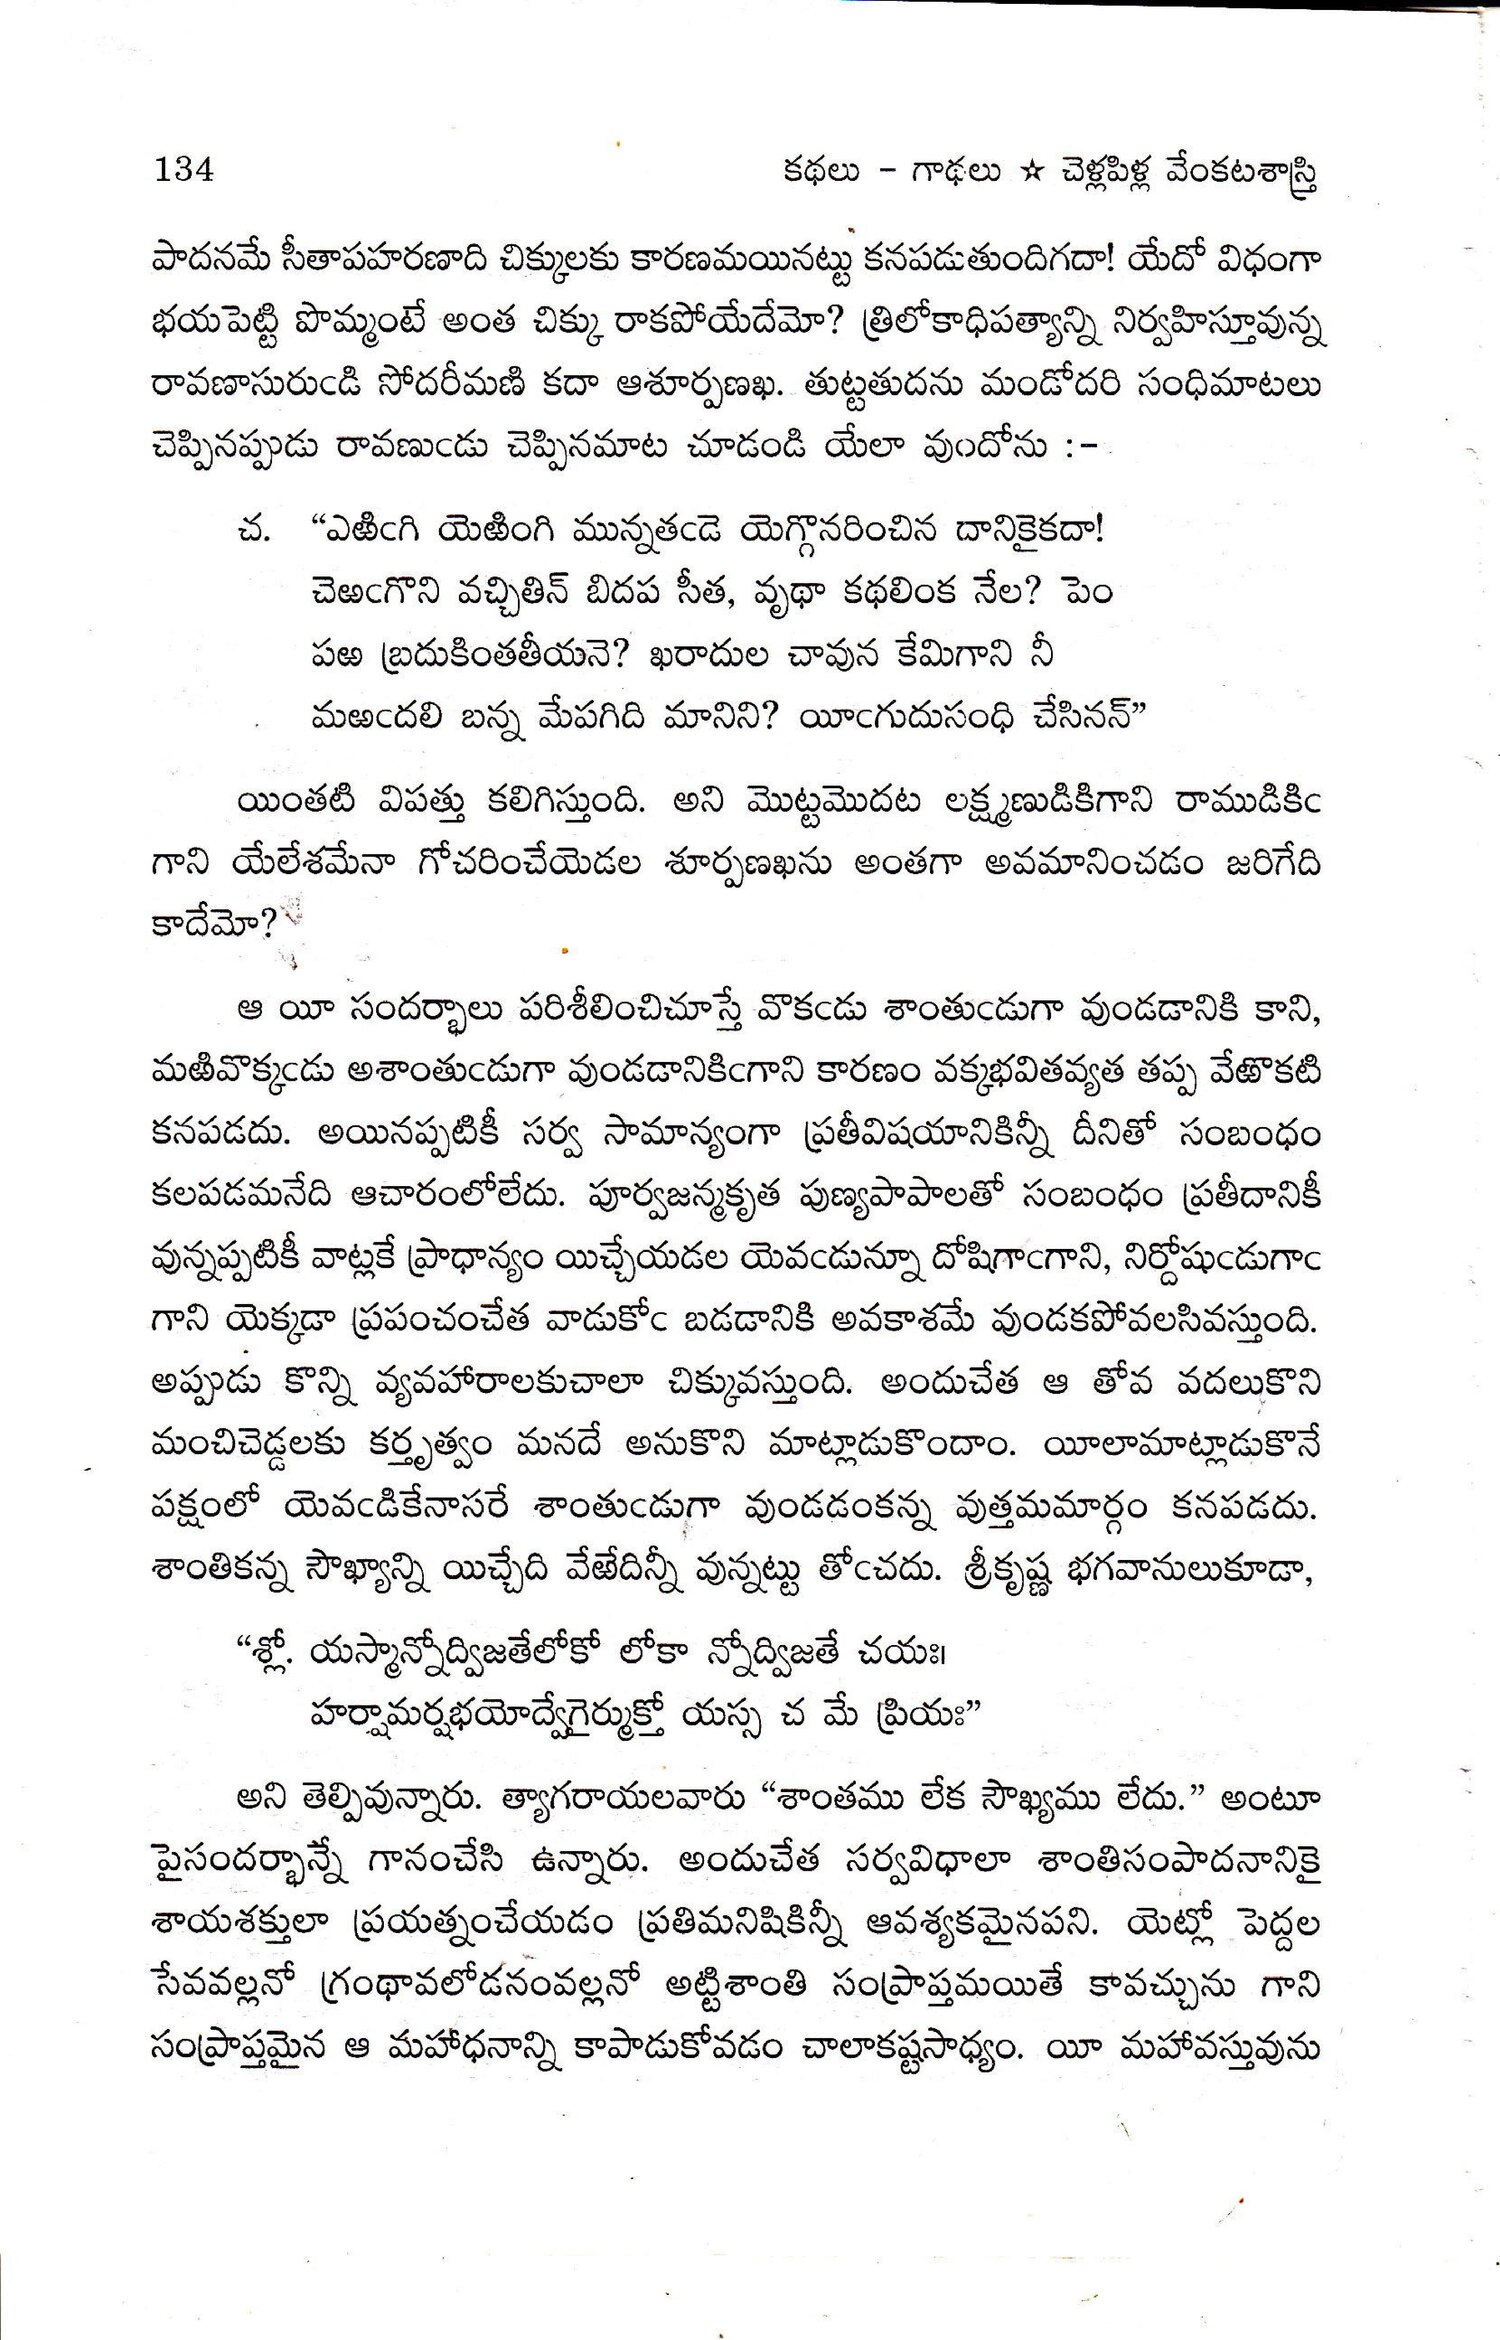పాదనమే సీతాపహరణాది చిక్కులకు కారణమయినట్టు కనపడుతుందిగదా! యేదో విధంగా భయపెట్టి పొమ్మంటే అంత చిక్కు రాకపోయేదేమో? త్రిలోకాధిపత్యాన్ని నిర్వహిస్తూవున్న రావణాసురుఁడి సోదరీమణి కదా ఆశూర్పణఖ. తుట్టతుదను మండోదరి సంధిమాటలు చెప్పినప్పుడు రావణుఁడు చెప్పినమాట చూడండి యేలా వుందోను :-

చ. "ఎఱిఁగి యెఱింగి మున్నతఁడె యెగ్గొనరించిన దానికైకదా! 
 చెఱఁగొని వచ్చితిన్ బిదప సీత, వృథా కథలింక నేల? పెం 
 పఱ బ్రదుకింతతీయనె? ఖరాదుల చావున కేమిగాని నీ 
 మఱఁదలి బన్న మేపగిది మానిని? యీఁగుదుసంధి చేసినన్"
యింతటి విపత్తు కలిగిస్తుంది. అని మొట్టమొదట లక్ష్మణుడికిగాని రాముడికిఁ గాని యేలేశమేనా గోచరించేయెడల శూర్పణఖను అంతగా అవమానించడం జరిగేది కాదేమో?"

ఆ యీ సందర్భాలు పరిశీలించిచూస్తే వొకcడు శాంతుcడుగా వుండడానికి కాని, మఱివొక్కఁడు అశాంతుఁడుగా వుండడానికిఁగాని కారణం వక్కభవితవ్యత తప్ప వేఱొకటి కనపడదు. అయినప్పటికీ సర్వ సామాన్యంగా ప్రతీవిషయానికిన్నీ దీనితో సంబంధం కలపడమనేది ఆచారంలోలేదు. పూర్వజన్మకృత పుణ్యపాపాలతో సంబంధం ప్రతీదానికీ వున్నప్పటికీ వాట్లకే ప్రాధాన్యం యిచ్చేయడల యెవఁడున్నూ దోషిగాఁగాని, నిర్దోషుఁడుగాc గాని యెక్కడా ప్రపంచంచేత వాడుకోఁ బడడానికి అవకాశమే వుండకపోవలసివస్తుంది. అప్పుడు కొన్ని వ్యవహారాలకుచాలా చిక్కువస్తుంది. అందుచేత ఆ తోవ వదలుకొని మంచిచెడ్డలకు కర్తృత్వం మనదే అనుకొని మాట్లాడుకొందాం. యీలామాట్లాడుకొనే పక్షంలో యొవcడికేనాసరే శాంతుఁడుగా వుండడంకన్న వుత్తమమార్గం కనపడదు. శాంతికన్న సౌఖ్యాన్ని యిచ్చేది వేఱిదిన్నీ వున్నట్టు తోఁచదు. శ్రీకృష్ణ భగవానులుకూడా,

“శ్లో యస్మాన్నోద్విజతేలోకో లోకా న్నోద్విజతే చయః
 హర్షామర్షభయోద్వేగైర్ముక్తో యస్స చ మే ప్రియః"
అని తెల్పివున్నారు. త్యాగరాయలవారు “శాంతము లేక సౌఖ్యము లేదు.” అంటూ పైసందర్భాన్నే గానంచేసి ఉన్నారు. అందుచేత సర్వవిధాలా శాంతిసంపాదనానికై శాయశక్తులా ప్రయత్నంచేయడం ప్రతిమనిషికిన్నీ ఆవశ్యకమైనపని. యెట్లో పెద్దల సేవవల్లనో గ్రంథావలోడనంవల్లనో అట్టిశాంతి సంప్రాప్తమయితే కావచ్చును గాని సంప్రాప్తమైన ఆ మహాధనాన్ని కాపాడుకోవడం చాలాకష్టసాధ్యం. యీ మహావస్తువును

%.